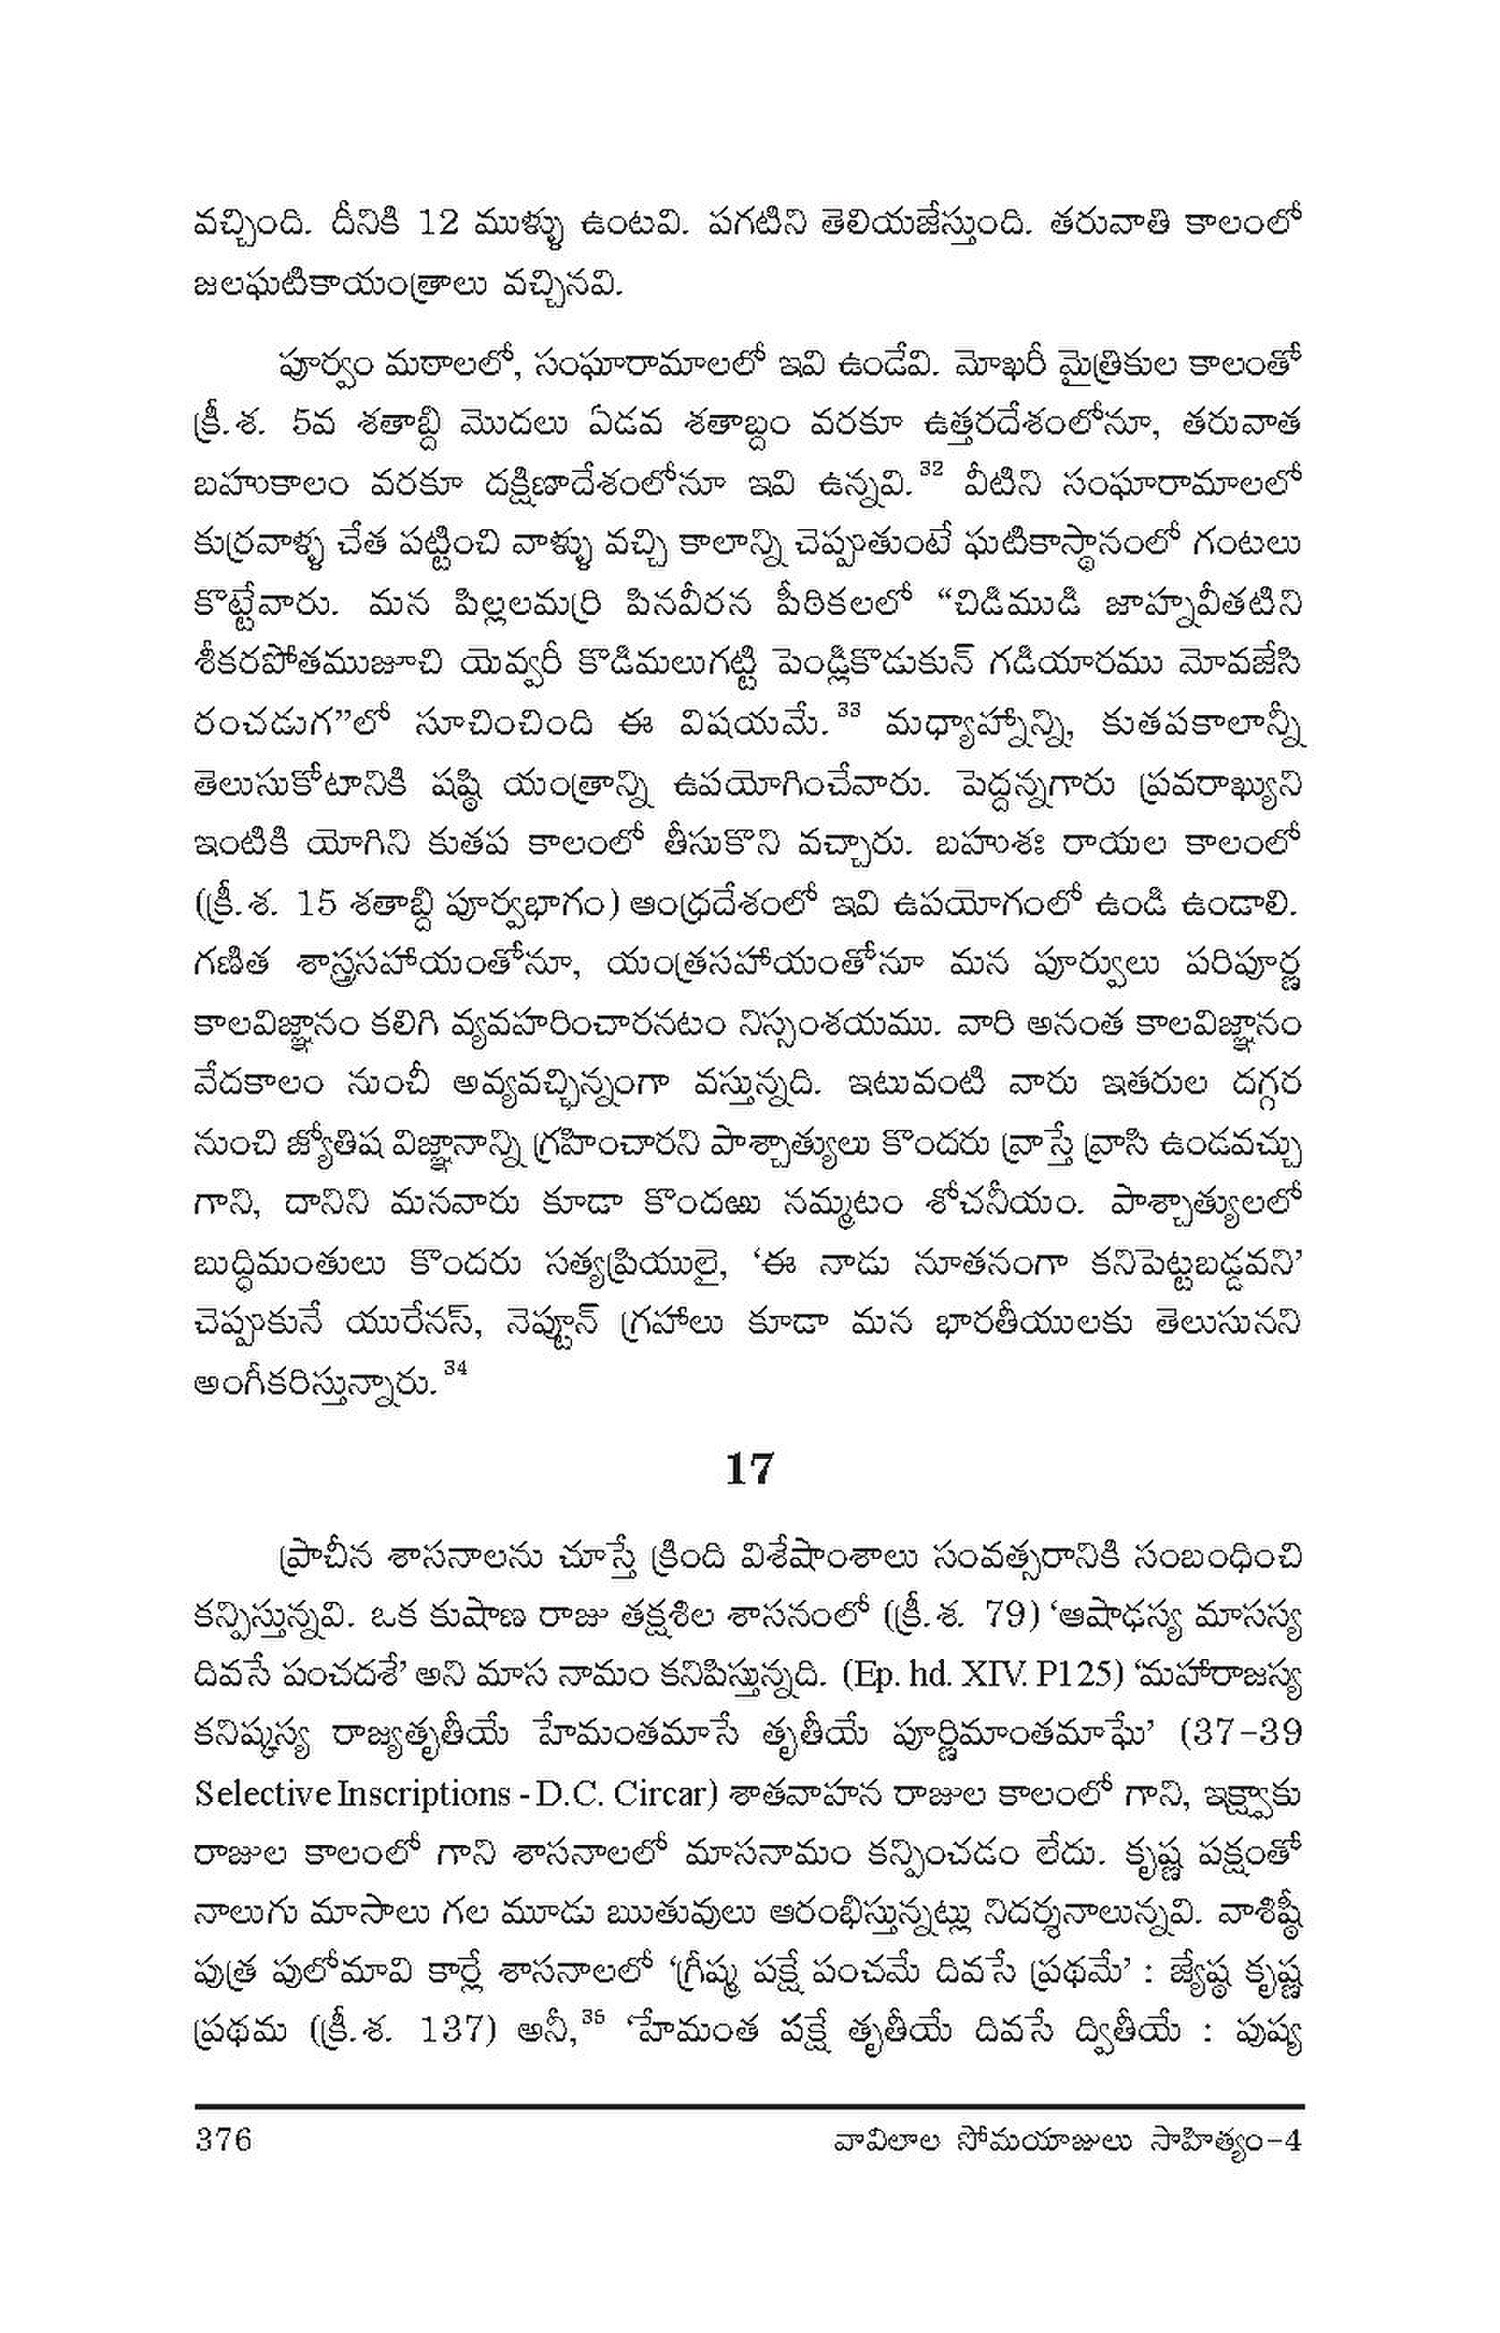వచ్చింది. దీనికి 12 ముళ్ళు ఉంటవి. పగటిని తెలియజేస్తుంది. తరువాతి కాలంలో
జలఘటికాయంత్రాలు వచ్చినవి.

పూర్వం మఠాలలో, సంఘారామాలలో ఇవి ఉండేవి. మోఖరీ మైత్రికుల కాలంతో
క్రీ.శ. 5వ శతాబ్ది మొదలు ఏడవ శతాబ్దం వరకూ ఉత్తరదేశంలోనూ, తరువాత
బహుకాలం వరకూ దక్షిణాదేశంలోనూ ఇవి ఉన్నవి. వీటిని సంఘారామాలలో
కుర్రవాళ్ళ చేత పట్టించి వాళ్ళు వచ్చి కాలాన్ని చెప్పుతుంటే ఘటికాస్థానంలో గంటలు
కొట్టేవారు. మన పిల్లలమర్రి పినవీరన పీఠికలలో "చిడిముడి జాహ్నవీతటిని
శీకరపోతముజూచి యెవ్వరీ కొడిమలుగట్టి పెండ్లికొడుకున్ గడియారము మోపజేసి
రంచడుగ”లో సూచించింది ఈ విషయమే . మధ్యాహ్నాన్ని, కుతపకాలాన్నీ
తెలుసుకోటానికి షష్ఠి యంత్రాన్ని ఉపయోగించేవారు. పెద్దన్నగారు ప్రవరాఖ్యుని
ఇంటికి యోగిని కుతప కాలంలో తీసుకొని వచ్చారు. బహుశః రాయల కాలంలో
(క్రీ.శ. 15 శతాబ్ది పూర్వభాగం) ఆంధ్రదేశంలో ఇవి ఉపయోగంలో ఉండి ఉండాలి.
గణిత శాస్త్రసహాయంతోనూ, యంత్రసహాయంతోనూ మన పూర్వులు పరిపూర్ణ
కాలవిజ్ఞానం కలిగి వ్యవహరించారనటం నిస్సంశయము. వారి అనంత కాలవిజ్ఞానం
వేదకాలం నుంచీ అవ్యవచ్ఛిన్నంగా వస్తున్నది. ఇటువంటి వారు ఇతరుల దగ్గర
నుంచి జ్యోతిష విజ్ఞానాన్ని గ్రహించారని పాశ్చాత్యులు కొందరు వ్రాస్తే వ్రాసి ఉండవచ్చు
గాని, దానిని మనవారు కూడా కొందఱు నమ్మటం శోచనీయం. పాశ్చాత్యులలో
బుద్ధిమంతులు కొందరు సత్యప్రియులై, 'ఈ నాడు నూతనంగా కనిపెట్టబడ్డవని'
చెప్పుకునే యురేనస్, నెప్టూన్ గ్రహాలు కూడా మన భారతీయులకు తెలుసునని
అంగీకరిస్తున్నారు.

ప్రాచీన శాసనాలను చూస్తే క్రింది విశేషాంశాలు సంవత్సరానికి సంబంధించి
కన్పిస్తున్నవి. ఒక కుషాణ రాజు తక్షశిల శాసనంలో (క్రీ.శ. 79) 'అషాఢస్య మాసస్య
దివసే పంచదశే' అని మాస నామం కనిపిస్తున్నది. (Ep. hd. XIV. P125) 'మహారాజస్య
కనిష్కస్య రాజ్యతృతీయే హేమంతమాసే తృతీయే పూర్ణిమాంతమాఘే' (37-39
Selective Inscriptions - D.C. Circar) శాతవాహన రాజుల కాలంలో గాని, ఇక్ష్వాకు
రాజుల కాలంలో గాని శాసనాలలో మాసనామం కన్పించడం లేదు. కృష్ణ పక్షంతో
నాలుగు మాసాలు గల మూడు ఋతువులు ఆరంభిస్తున్నట్లు నిదర్శనాలున్నవి. వాశిష్ఠీ
పుత్ర పులోమావి కార్లే శాసనాలలో 'గ్రీష్మ పక్షే పంచమే దివసే ప్రథమే' : జ్యేష్ఠ కృష్ణ
ప్రథమ (క్రీ.శ. 137) అనీ, 'హేమంత పక్షే తృతీయే దివసే ద్వితీయే : పుష్య